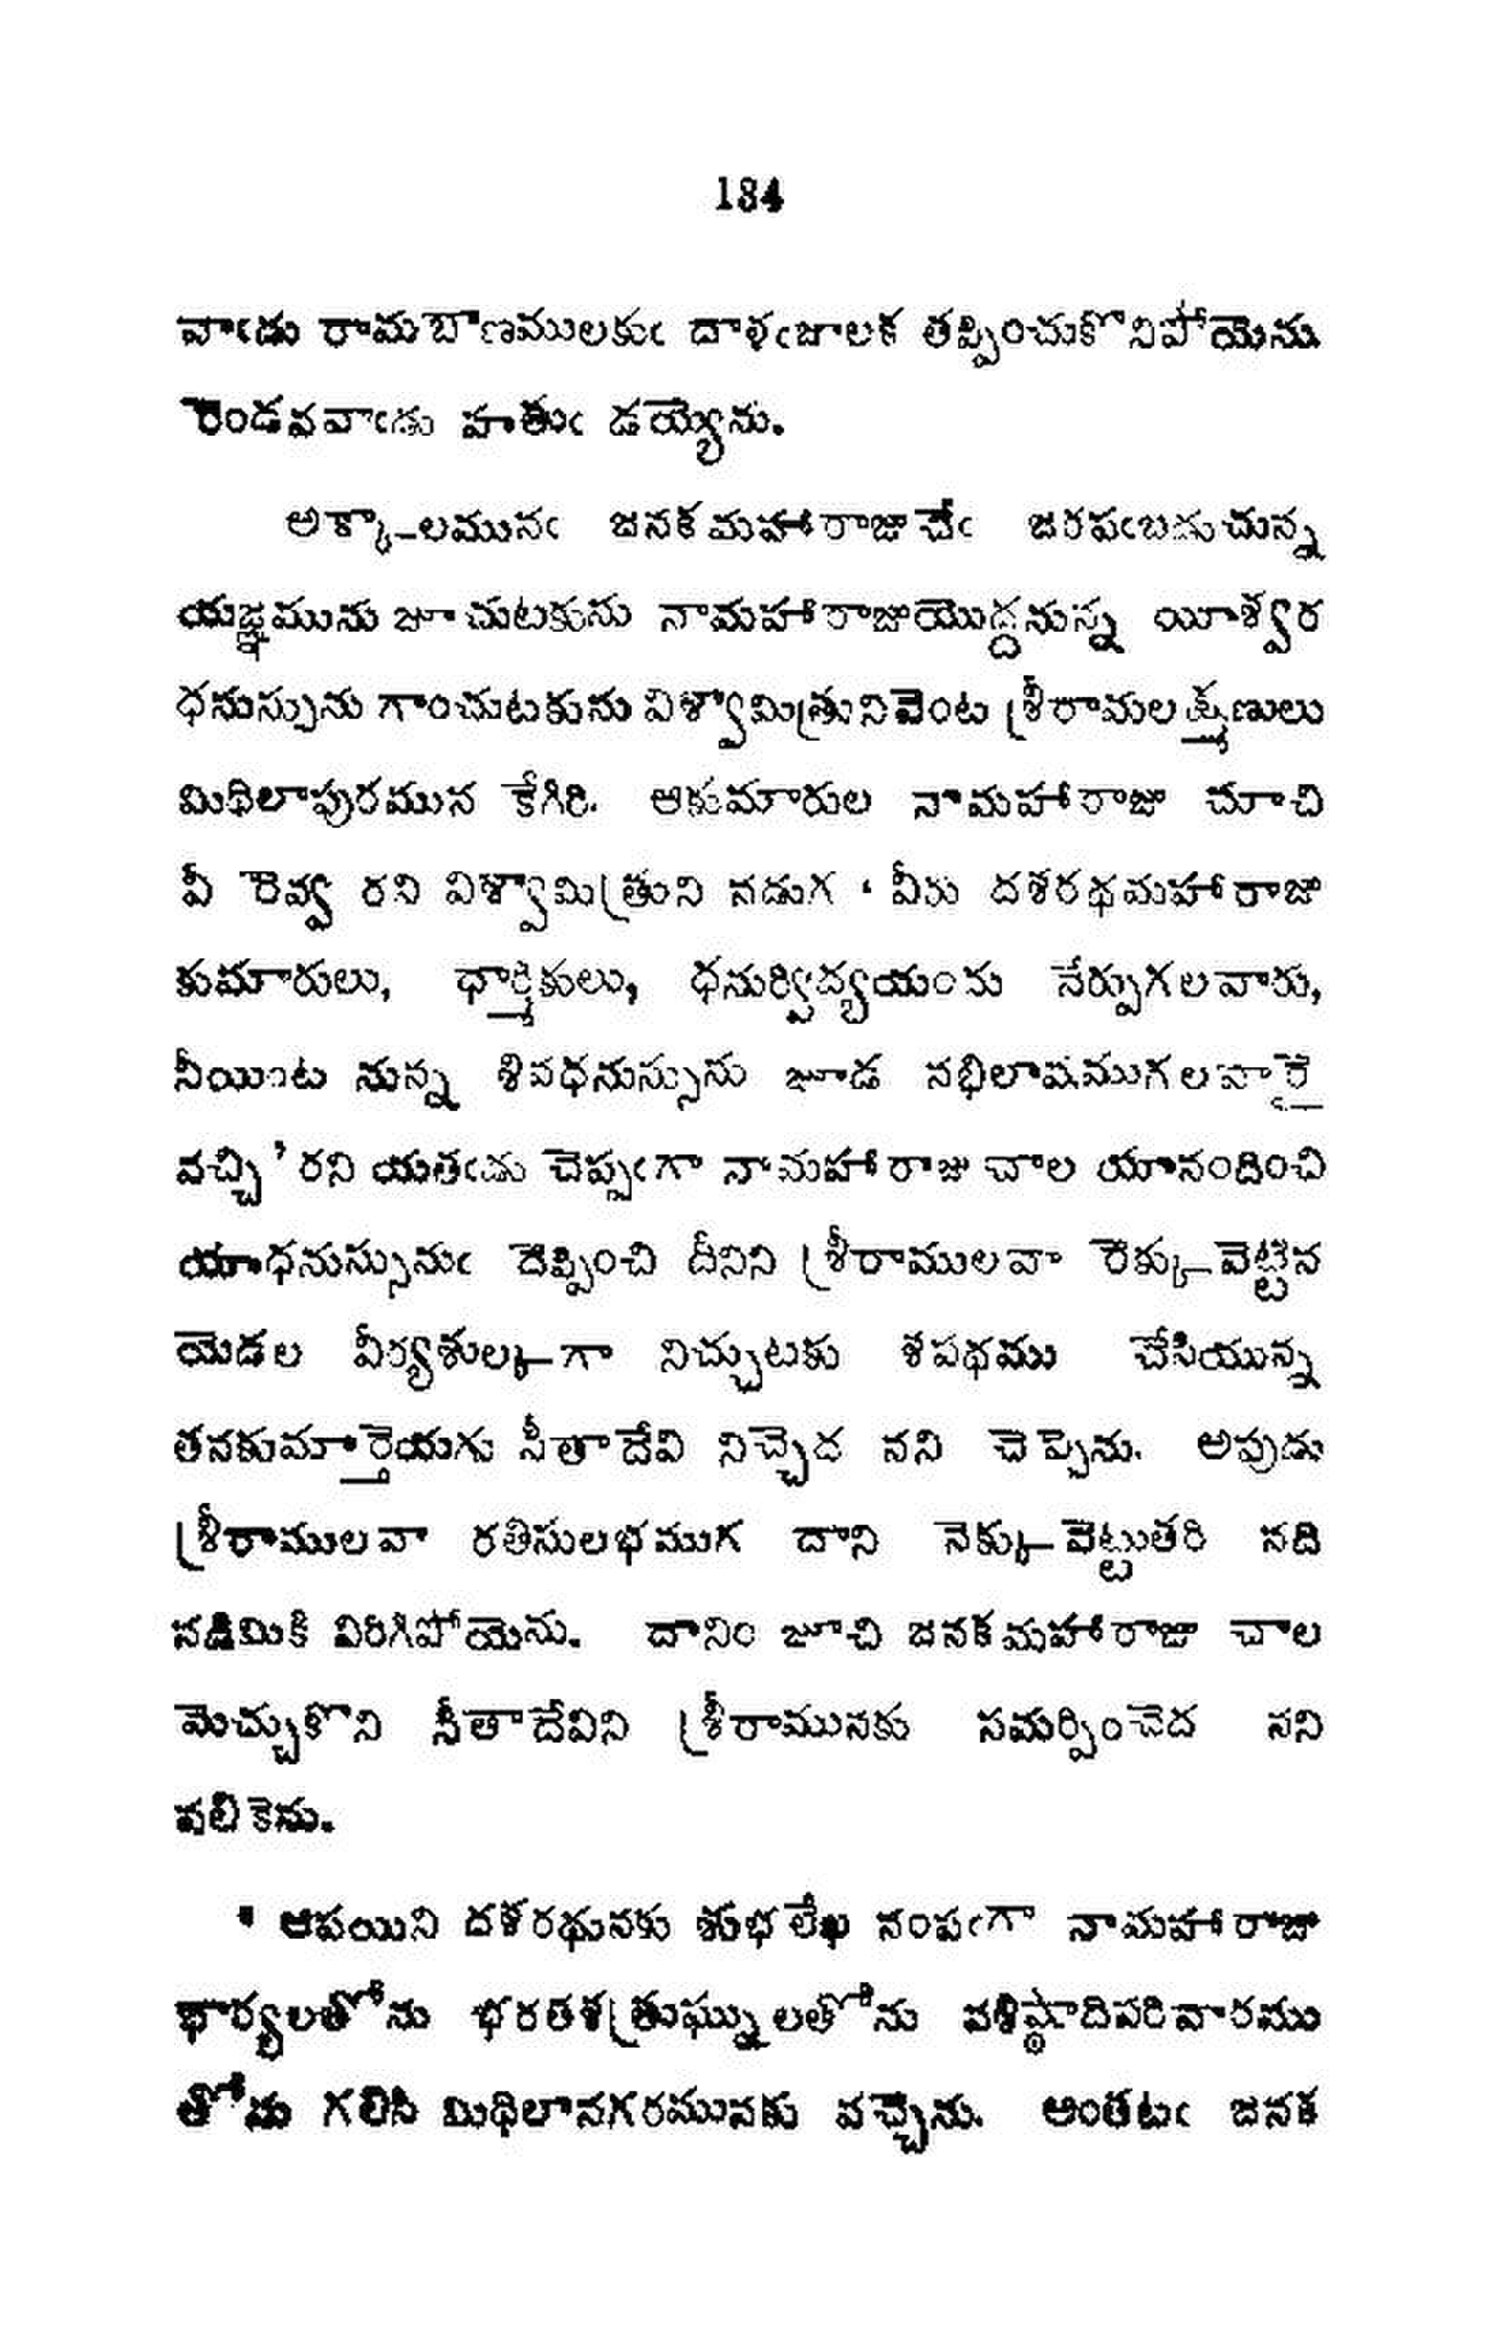వాఁడు రామబాణములకుఁ దాళఁజాలక తప్పించుకొనిపోయెను. రెండవవాఁడు హతుఁ డయ్యెను.

అక్కాలమునఁ జనకమహారాజుచేఁ జరపఁబడుచున్న యజ్ఞమును జూచుటకును నామహారాజుయొద్ద నున్న యీశ్వర ధనుస్సును గాంచుటకును విశ్వామిత్రునివెంట శ్రీరామలక్ష్మణులు మిథిలాపురమున కేగిరి. ఆకుమారుల నామహారాజు చూచి వీ రెవ్వ రని విశ్వామిత్రుని నడుగ 'వీరు దశరధమహారాజు
కుమారులు, ధార్మికులు, ధనుర్విద్యయందు నేర్పుగలవారు, నీయింట నున్న శివధనుస్సును జూడ నభిలాషముగలవారై వచ్చి'రని యతఁడు చెప్పఁగా నామహారాజు చాల యానందించి యాధనుస్సునుఁ దెప్పించి దీనిని శ్రీరాములవా రెక్కు వెట్టిన యెడల వీర్యశుల్కగా నిచ్చుటకు శపథము చేసియున్న
తనకుమార్తెయగు సీతాదేవి నిచ్చెద నని చెప్పెను. అపుడు శ్రీరాములవా రతిసులభముగ దాని నెక్కు వెట్టుతరి నది నడిమికి విరిగిపోయెను. దానిం జూచి జనకమహారాజు చాల మెచ్చుకొని సీతాదేవిని శ్రీరాముసకు సమర్పించెద నని పలికెను.

ఆపయిని దశరథునకు శుభలేఖ నంపఁగా నామహారాజు భార్యలతోను భరతశత్రుఘ్నులతోను పశిష్ఠాదిపరివారముతోను గలిసి మిథిలానగరమునకు వచ్చెను. అంతటఁ జనక